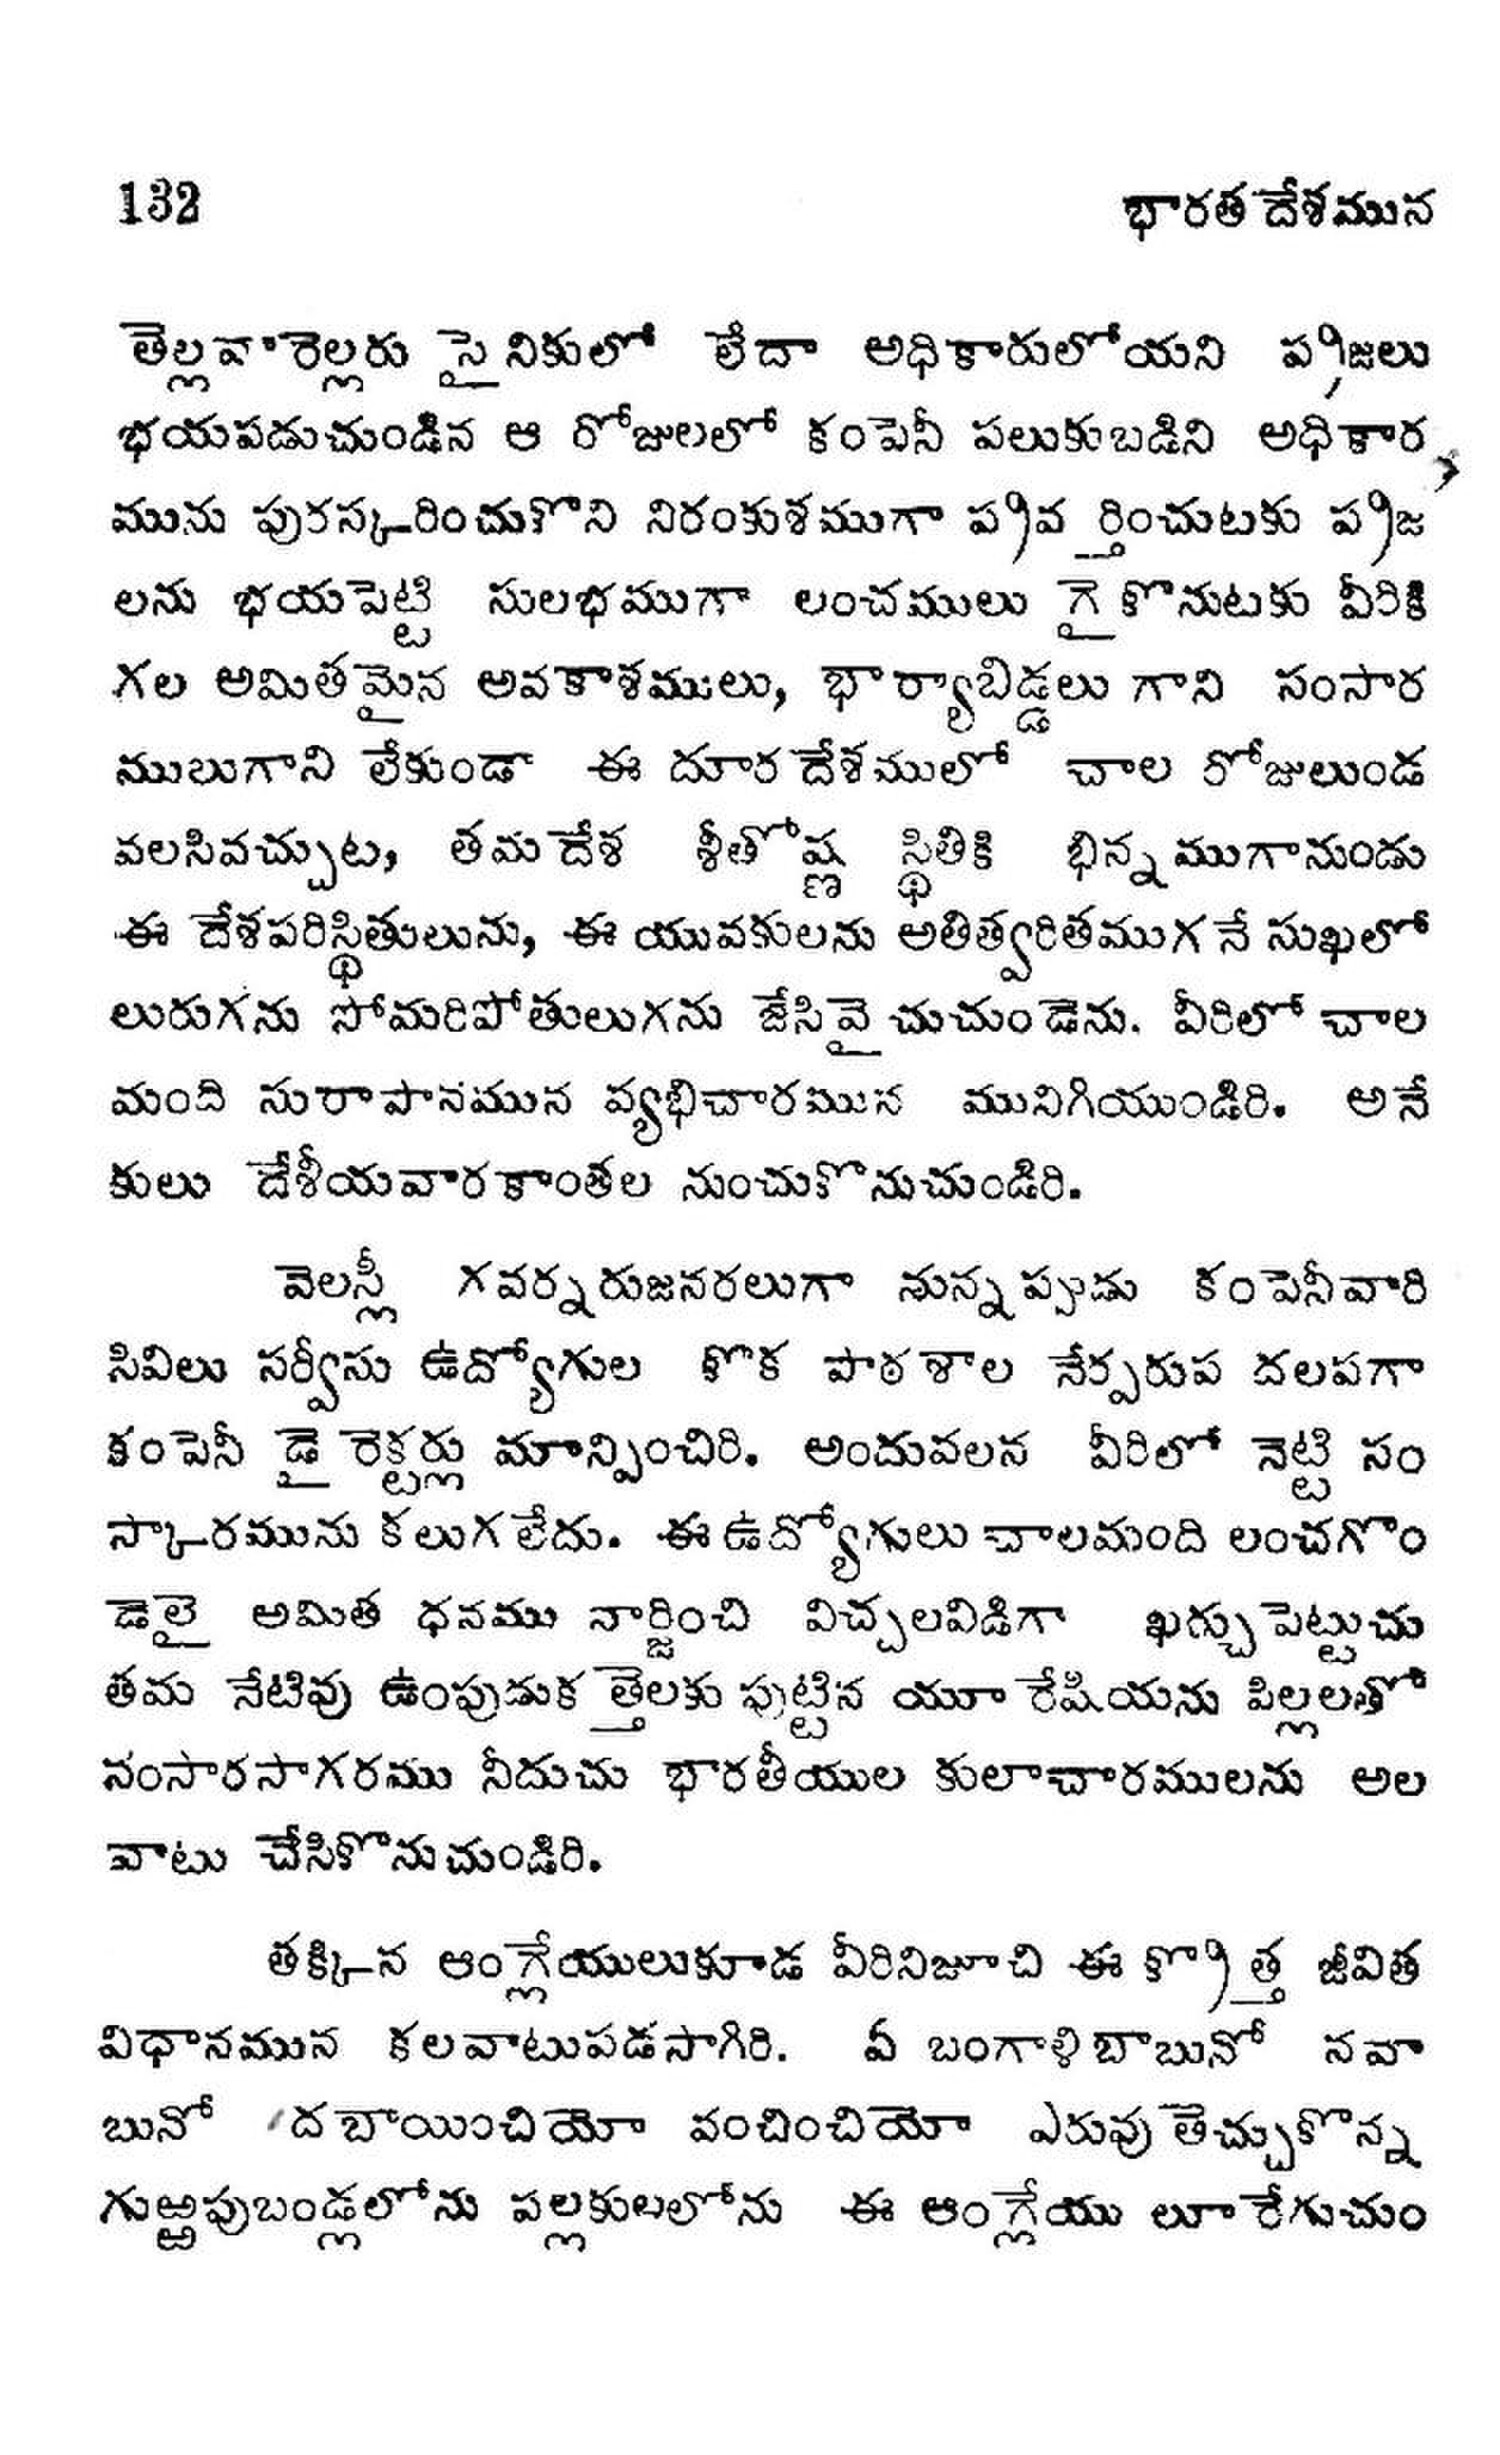తెల్లవారెల్లరు సైనికులో లేదా అధికారులోయని ప్రజలు భయపడుచుండిన ఆ రోజులలో కంపెనీ పలుకుబడిని అధికారమును పురస్కరించుకొని నిరంకుశముగా ప్రవర్తించుటకు ప్రజలను భయపెట్టి సులభముగా లంచములు గైకొనుటకు వీరికి గల అమితమైన అవకాశములు, భార్యాబిడ్డలు గాని సంసారములుగాని లేకుండా ఈ దూరదేశములో చాల రోజులుండ వలసివచ్చుట, తమదేశ శీతోష్ణ స్థితికి భిన్నముగానుండు ఈ దేశపరిస్థితులును, ఈ యువకులను అతిత్వరితముగనే సుఖలోలురుగను సోమరిపోతులుగను జేసివైచుచుండెను. వీరిలోచాలమంది సురాపానమున వ్యభిచారమున మునిగియుండిరి. అనేకులు దేశీయవారకాంతల నుంచుకొనుచుండిరి.

వెలస్లీ గవర్నరుజనరలుగా నున్నప్పుడు కంపెనీవారి సివిలు సర్వీసు ఉద్యోగుల కొక పాఠశాల నేర్పరుప దలపగా కంపెనీ డైరెక్టర్లు మాన్పించిరి. అందువలన వీరిలో నెట్టి సంస్కారమును కలుగలేదు. ఈ ఉద్యోగులు చాలమంది లంచగొండెలై అమిత ధనము నార్జించి విచ్చలవిడిగా ఖర్చుపెట్టుచు తమ నేటివు ఉంపుడుకత్తెలకు పుట్టిన యూరేషియను పిల్లలతో సంసారసాగరము నీదుచు భారతీయుల కులాచారములను అలవాటు చేసికొనుచుండిరి.

తక్కిన ఆంగ్లేయులుకూడ వీరినిజూచి ఈక్రొత్త జీవితవిధానమున కలవాటుపడసాగిరి. ఏ బంగాళిబాబునో నవాబునో దబాయించియో వంచించియో ఎరువుతెచ్చుకొన్న గుఱ్ఱపుబండ్లలోను పల్లకులలోను ఈ ఆంగ్లేయు లూరేగుచుం